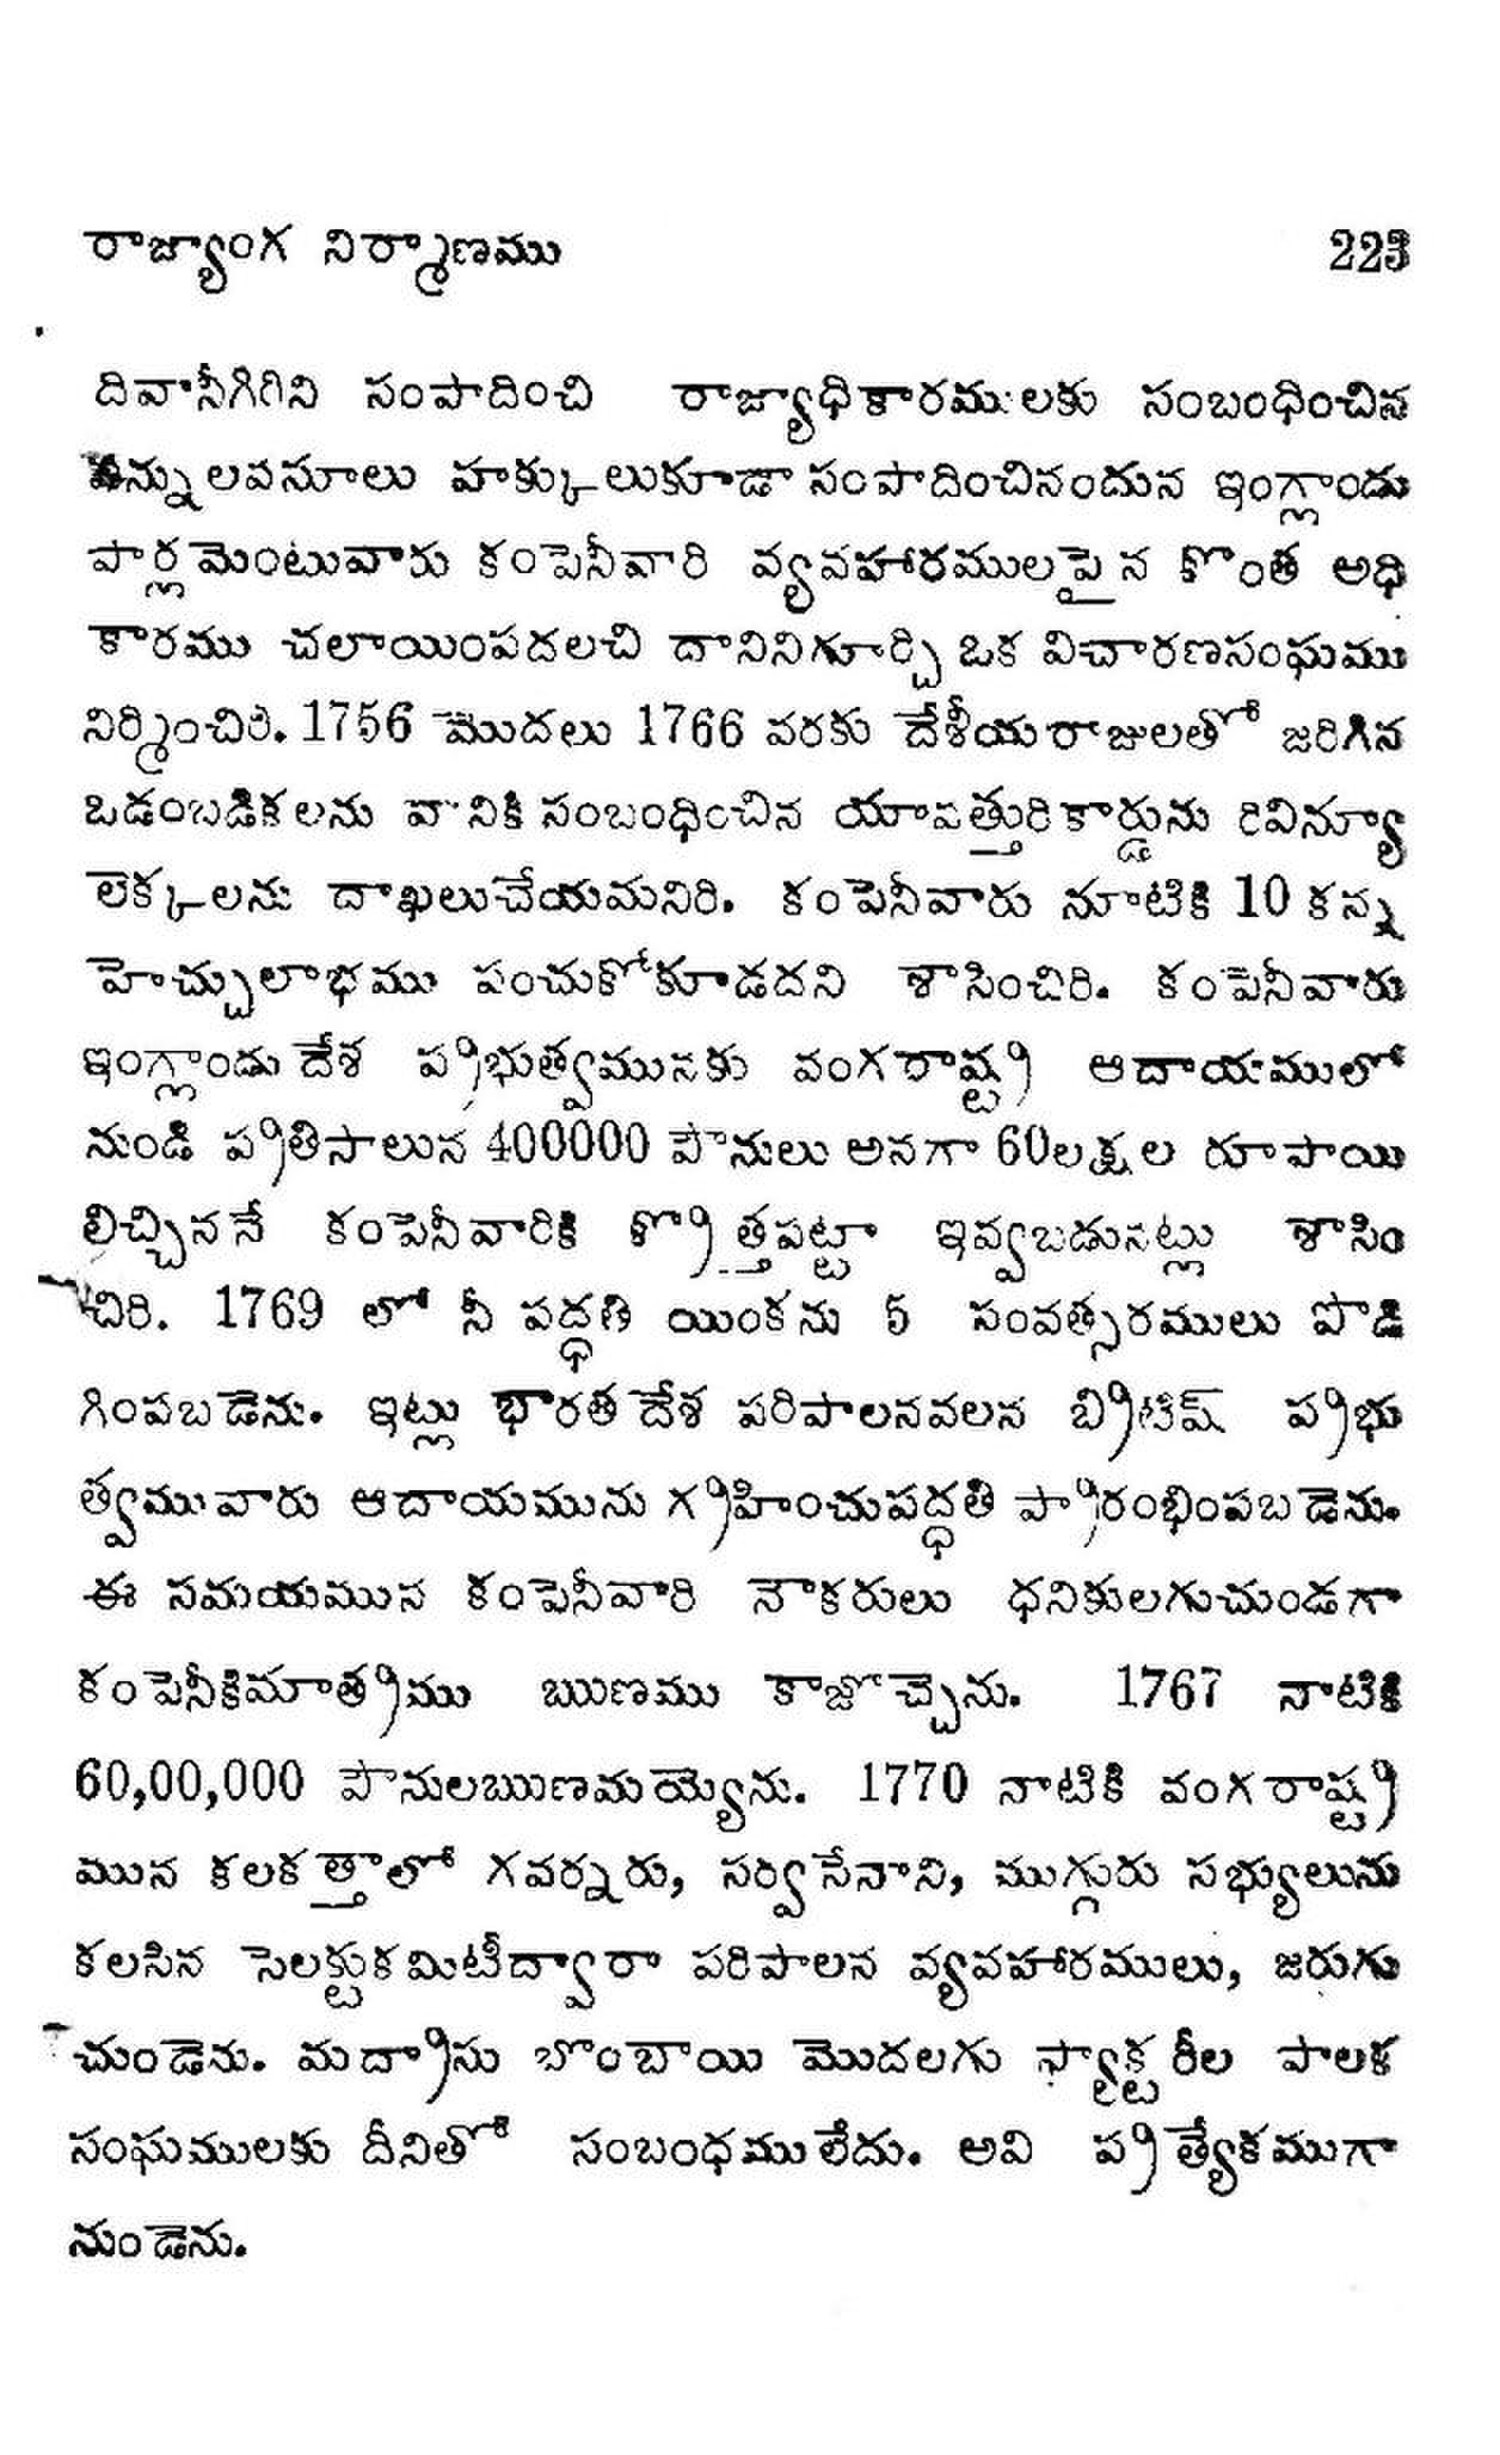దివానీగిరిని సంపాదించి రాజ్యాధికారములకు సంబంధించిన పన్నులవసూలు హక్కులుకూడా సంపాదించినందున ఇంగ్లాండు పార్లమెంటువారు కంపెనీవారి వ్యవహారములపైన కొంత అధికారము చలాయింపదలచి దానినిగూర్చి ఒక విచారణసంఘము నిర్మించిరి. 1756 మొదలు 1766 వరకు దేశీయరాజులతో జరిగిన ఒడంబడికలను వానికి సంబంధించిన యావత్తురికార్డును రివిన్యూ లెక్కలను దాఖలుచేయమనిరి. కంపెనీవారు నూటికి 10 కన్న హెచ్చులాభము పంచుకోకూడదని శాసించిరి. కంపెనీవారు ఇంగ్లాండుదేశ ప్రభుత్వమునకు వంగరాష్ట్ర ఆదాయములో నుండి ప్రతిసాలున 400000 పౌనులు అనగా 60లక్షల రూపాయి లిచ్చిననే కంపెనీవారికి క్రొత్తపట్టా ఇవ్వబడునట్లు శాసించిరి. 1769 లో నీ పద్దతి యింకను 5 సంవత్సరములు పొడిగింపబడెను. ఇట్లు భారతదేశ పరిపాలన వలన బ్రిటిష్ ప్రభుత్వమువారు ఆదాయమును గ్రహించుపద్ధతి ప్రారంభింపబడెను. ఈ సమయమున కంపెనీవారి నౌకరులు ధనికులగుచుండగా కంపెనీకిమాత్రము ఋణము కాజొచ్చెను. 1767 నాటికి 60,00,000 పౌనులఋణమయ్యెను. 1770 నాటికి వంగరాష్ట్రమున కలకత్తాలో గవర్నరు, సర్వసేనాని, ముగ్గురు సభ్యులును కలసిన సెలక్టుకమిటీద్వారా పరిపాలన వ్యవహారములు, జరుగుచుండెను. మద్రాసు బొంబాయి మొదలగు ఫ్యాక్టరీల పాలక సంఘములకు దీనితో సంబంధములేదు. అవి ప్రత్యేకముగా నుండెను.